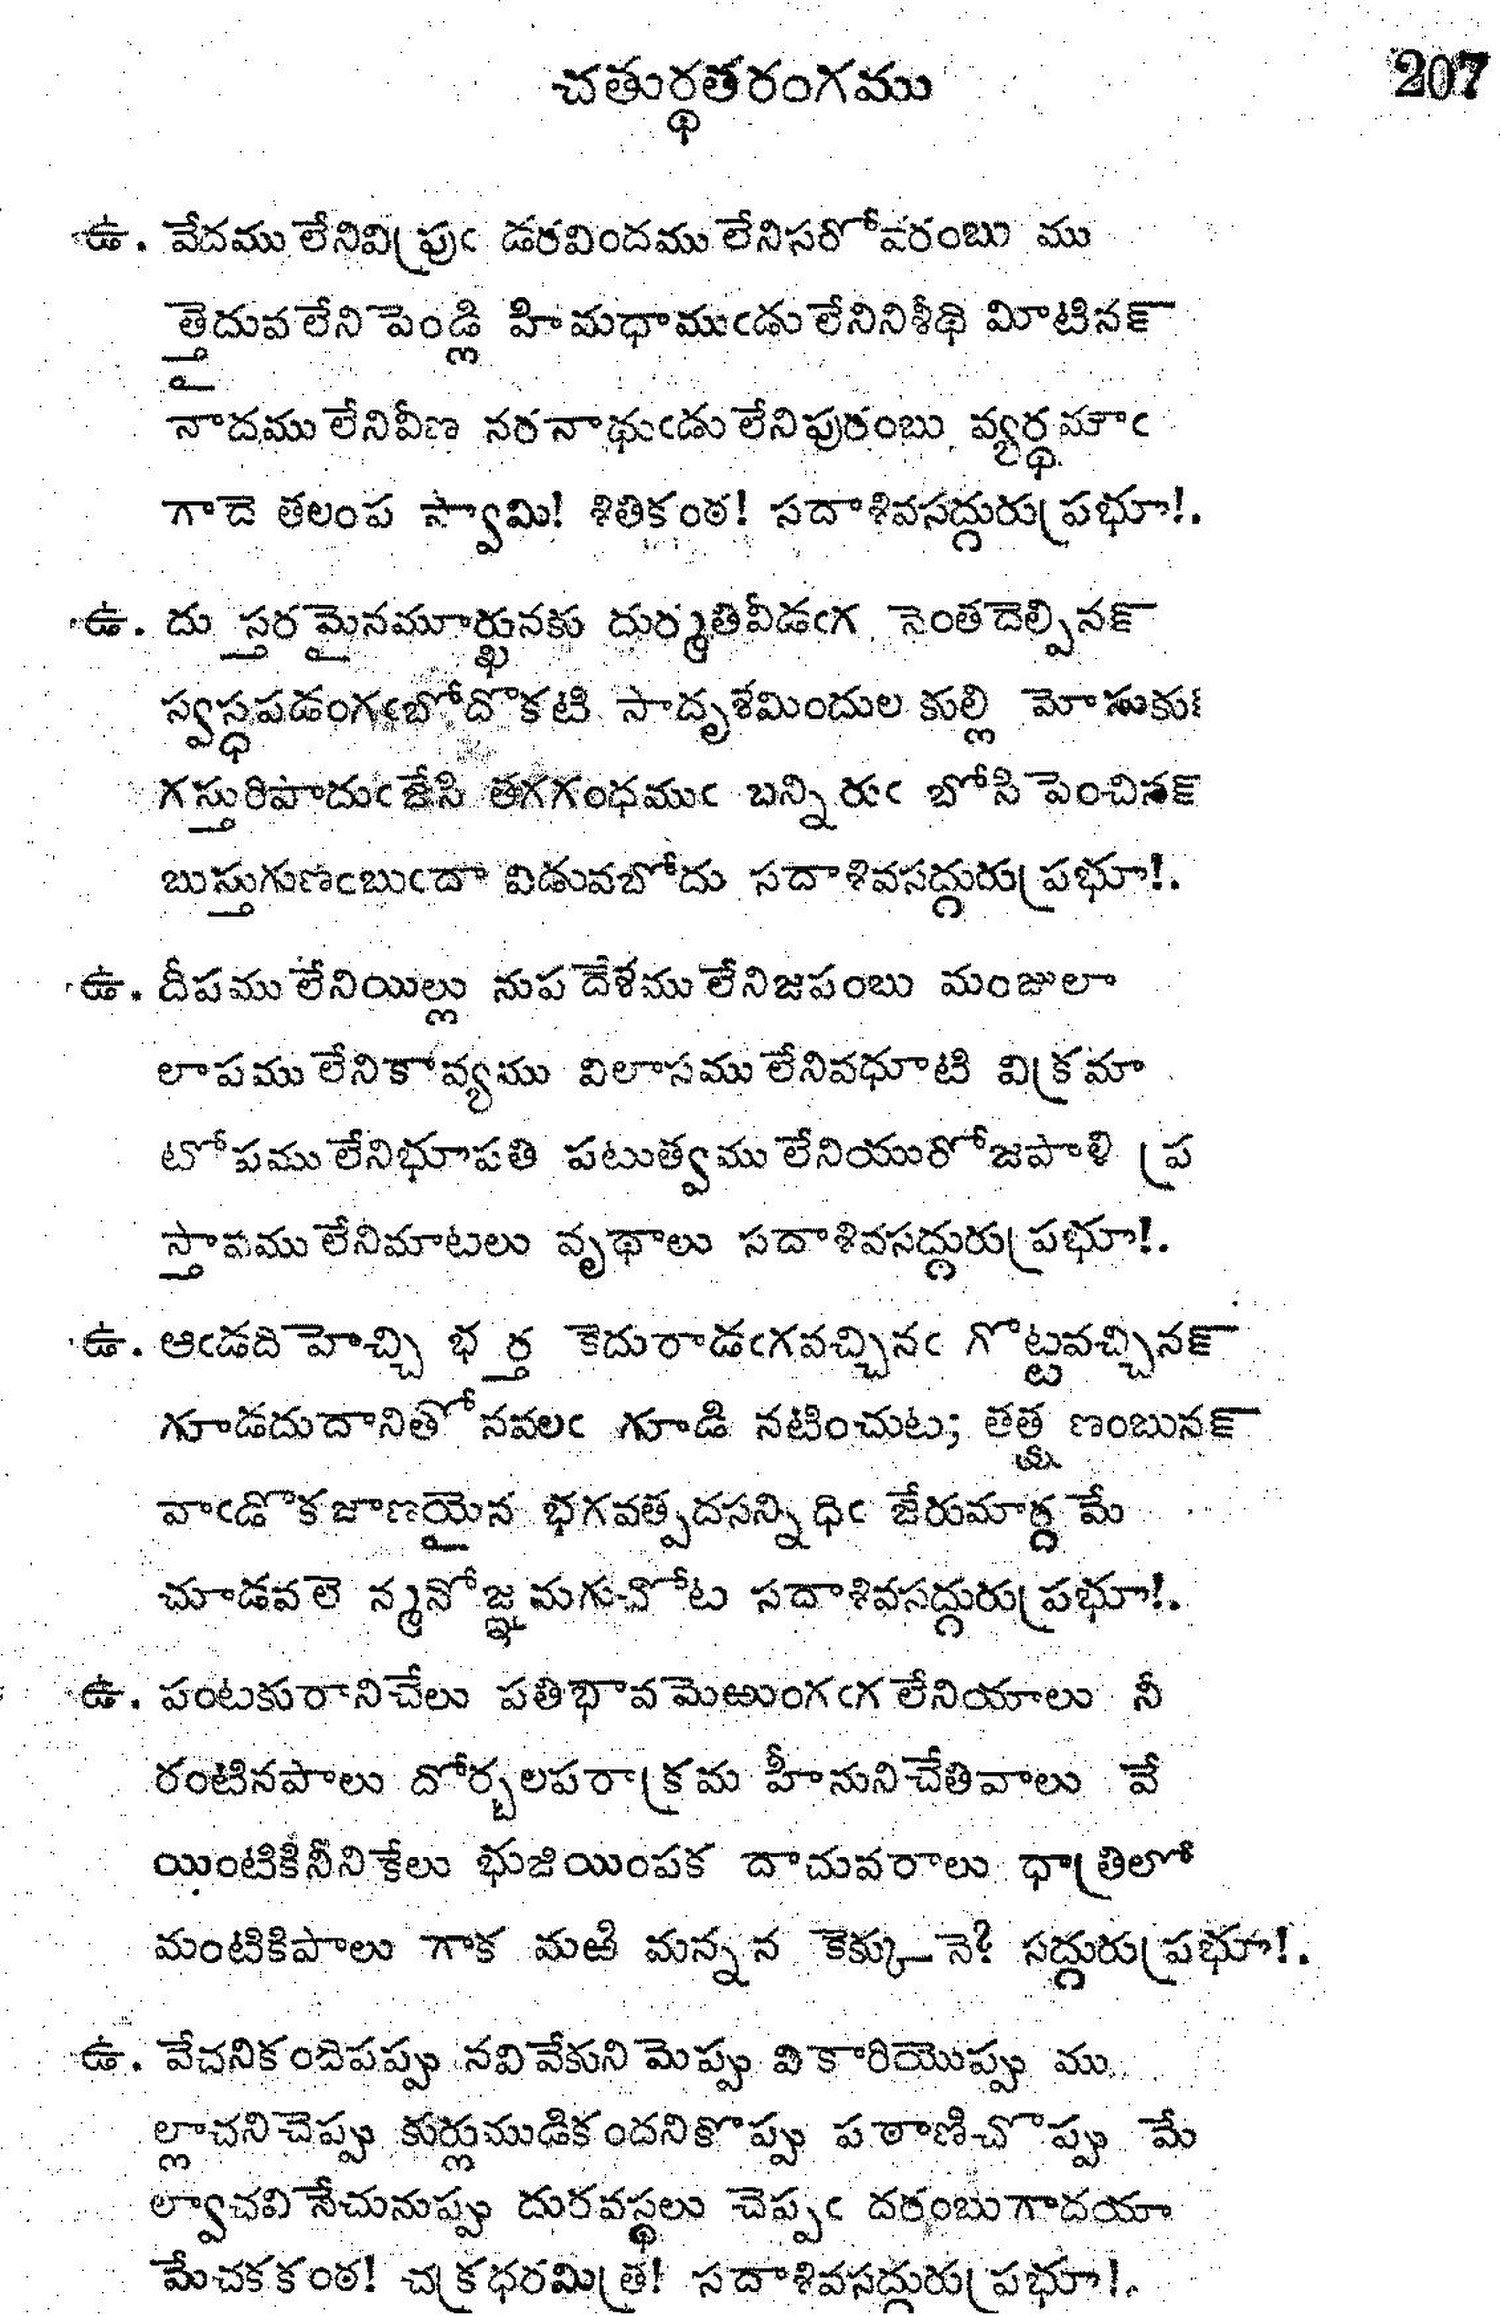ఉ. వేదములేనివిప్రుఁ డరవిందములేనిసరోవరంబు ము
 త్తైదువలేనిపెండ్లి హిమధాముఁడులేనినిశీధి మీటినన్
 నాదములేనివీణ నరనాథుఁడులేనిపురంబు వ్యర్థమౌఁ
 గాదె తలంప స్వామి! శితికంఠ! సదాశివసద్గరుప్రభూ!

ఉ. దుస్తరమైనమూర్ఖునకు దుర్మతివీడఁగ నెంతదెల్పినన్
 స్వస్థపడంగఁ బోదొకటి సాదృశమిందుల కుల్లి మోసుకున్
 గస్తురిపాదుఁ జేసి తగగంధముఁ బన్నిరుఁ బోసి పెంచినన్
 బుస్తుగుణంబుఁ దా విడువబోదు సదాశివసద్గురుప్రభూ!

ఉ. దీపములేనియిల్లు నుపదేశములేనిజపంబు మంజులా
 లాపములేనికావ్యము విలాసములేనివిధూటి విక్రమా
 టోపములేనిభూపతి పటుత్వములేనియురోజపాళి ప్ర
 స్తావములేనిమాటలు వృథాలు సదాశివసద్గురుప్రభూ!

ఉ. ఆఁడది హెచ్చి భర్త కెదురాడఁగ వచ్చినఁ గొట్టవచ్చినన్
 గూడదు దానితో నవలఁ గూడి నటించుట; తత్క్షణంబునన్
 వాఁడొకజాణయైన భగవత్పదసన్నిధిఁ జేరుమార్గమే
 చూడవలె న్మనోజ్ఞమగుచోట సదాశివసద్గురుప్రభూ!

ఉ. పంటకురానిచేలు పతిభావమెఱుంగఁగలేనియాలు నీ
 రంటినపాలు దోర్బలపరాక్రమహీనునిచేతివాలు వే
 యింటికినీనికేలు భుజియింపక దాచువరాలు ధాత్రిలో
 మంటికిపాలు గాక మఱి మన్నన కెక్కునె? సద్గురుప్రభూ!

ఉ. వేచనికందిపప్పు నవివేకునిమెప్పు వికారియొప్పు ము
 ల్లాచనిచెప్పు కుర్లుముడికందనికొప్పు పఠాణిచొప్పు మే
 ల్వాచవినేచునుప్పు దురవస్థలు చెప్పఁ దరంబుగాదయా
 మేచకకంఠ! చక్రధరమిత్ర! సదాశివసద్గురుప్రభూ!